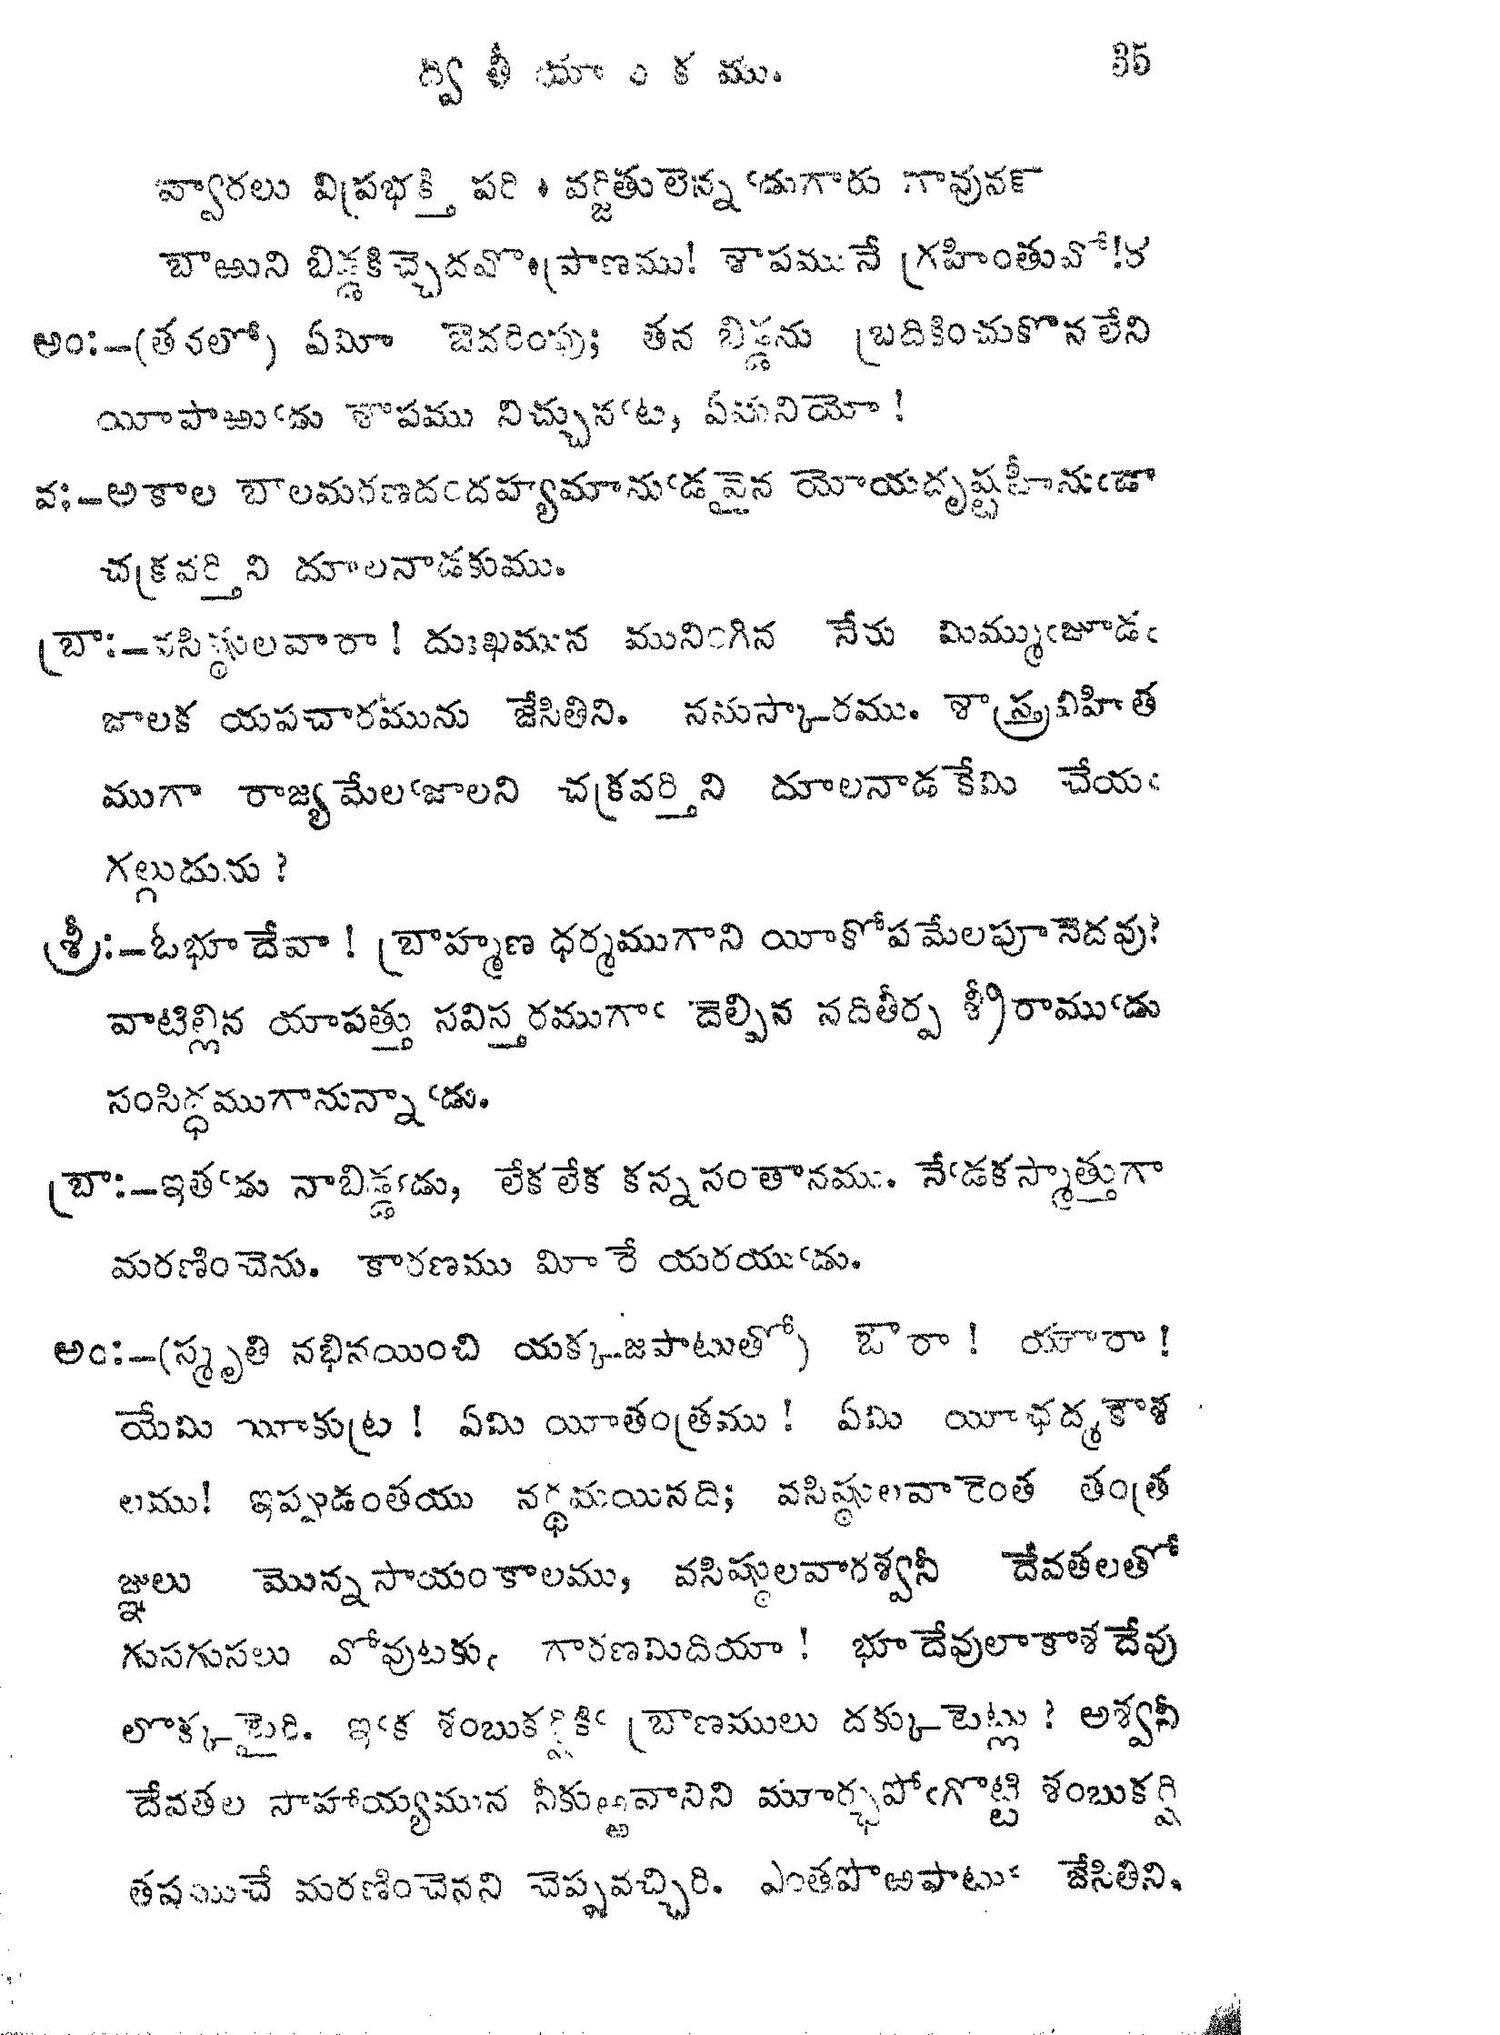వ్వారలు విప్రభక్తి పరి వర్జితు లెన్నడుగారు గావునన్
 బాఱుని బిడ్డ కిచ్చెదవొ ప్రాణము! శాపము నే గ్రహింతువో!! 4

అం:-(తనలో) ఏమీ బెదరింపు; తన బిడ్డను బ్రదికించుకొన లేని
 యీపొఱుడు శాపము నిచ్చునట, ఏమనియో !

వ:- అకాల బాలమరణ దఁడహ్యమానుడవైన యోయదృష్టహీనుడా
 చక్రవర్తిని దూలనాడకుము.

బ్రా: వసిష్ఠులవారా ! దుఃఖమున మునిగిన నేను మిమ్ముఁజూడఁ
 జాలక యపచారమును జేసితిని. నసుస్కారము. శాస్త్ర విహిత
 ముగా రాజ్య మేల జాలని చక్రవర్తిని దూలనాడ కేమి చేయఁ
 గల్గుదును?

శ్రీ:- ఓభూ దేవా ! బ్రాహ్మణ ధర్మముగాని యీయీ కోపమేల పూనెదవు.
 వాటిల్లన యావత్తు సవిస్తరముగా దెల్చిన నదితీర్ప శ్రీరాముడు
 సంసిద్ధముగా నున్నాడు. 

బ్రా:ఇతను నాబిడ్డడు, లేక లేక కన్న సంతానము:- నేడకస్మాత్తుగా
 మరణించెను. కారణము మీరే యరయుఁడు.

అం:-(స్మృతి నభినయించి యక్కజ పాటుతో) ఔరా ! యౌరా !
 యేమి యీకుట్ర ! ఏమి యీతంత్రము ! ఏమి యీ ఛద్మ కాశ
 లము! ఇప్పుడంతయు నర్థమయినది; వసిష్ఠుల వారెంత తంత్ర
 జులు మొన్న సాయం కాలము, వసిష్ఠులవారశ్వనీ దేవతలతో
 గుసగుసలు వోవుటకు, గారణమిదియా ! భూ దేవులాకాశ దేవు
 లొక్క టైరి. ఇక శంబుకర్షికి బ్రాణములు దక్కుటెట్లు ! అశ్వనీ
 దేవతల సాహాయ్యమన నీకుర్ర వానిని మూర్ఛపోగొట్టి శంబుకర్షి
 తపఘుచే మరణించెనని చెప్పవచ్చిరి. ఎంత పొఱపాటు: జేసితిని,